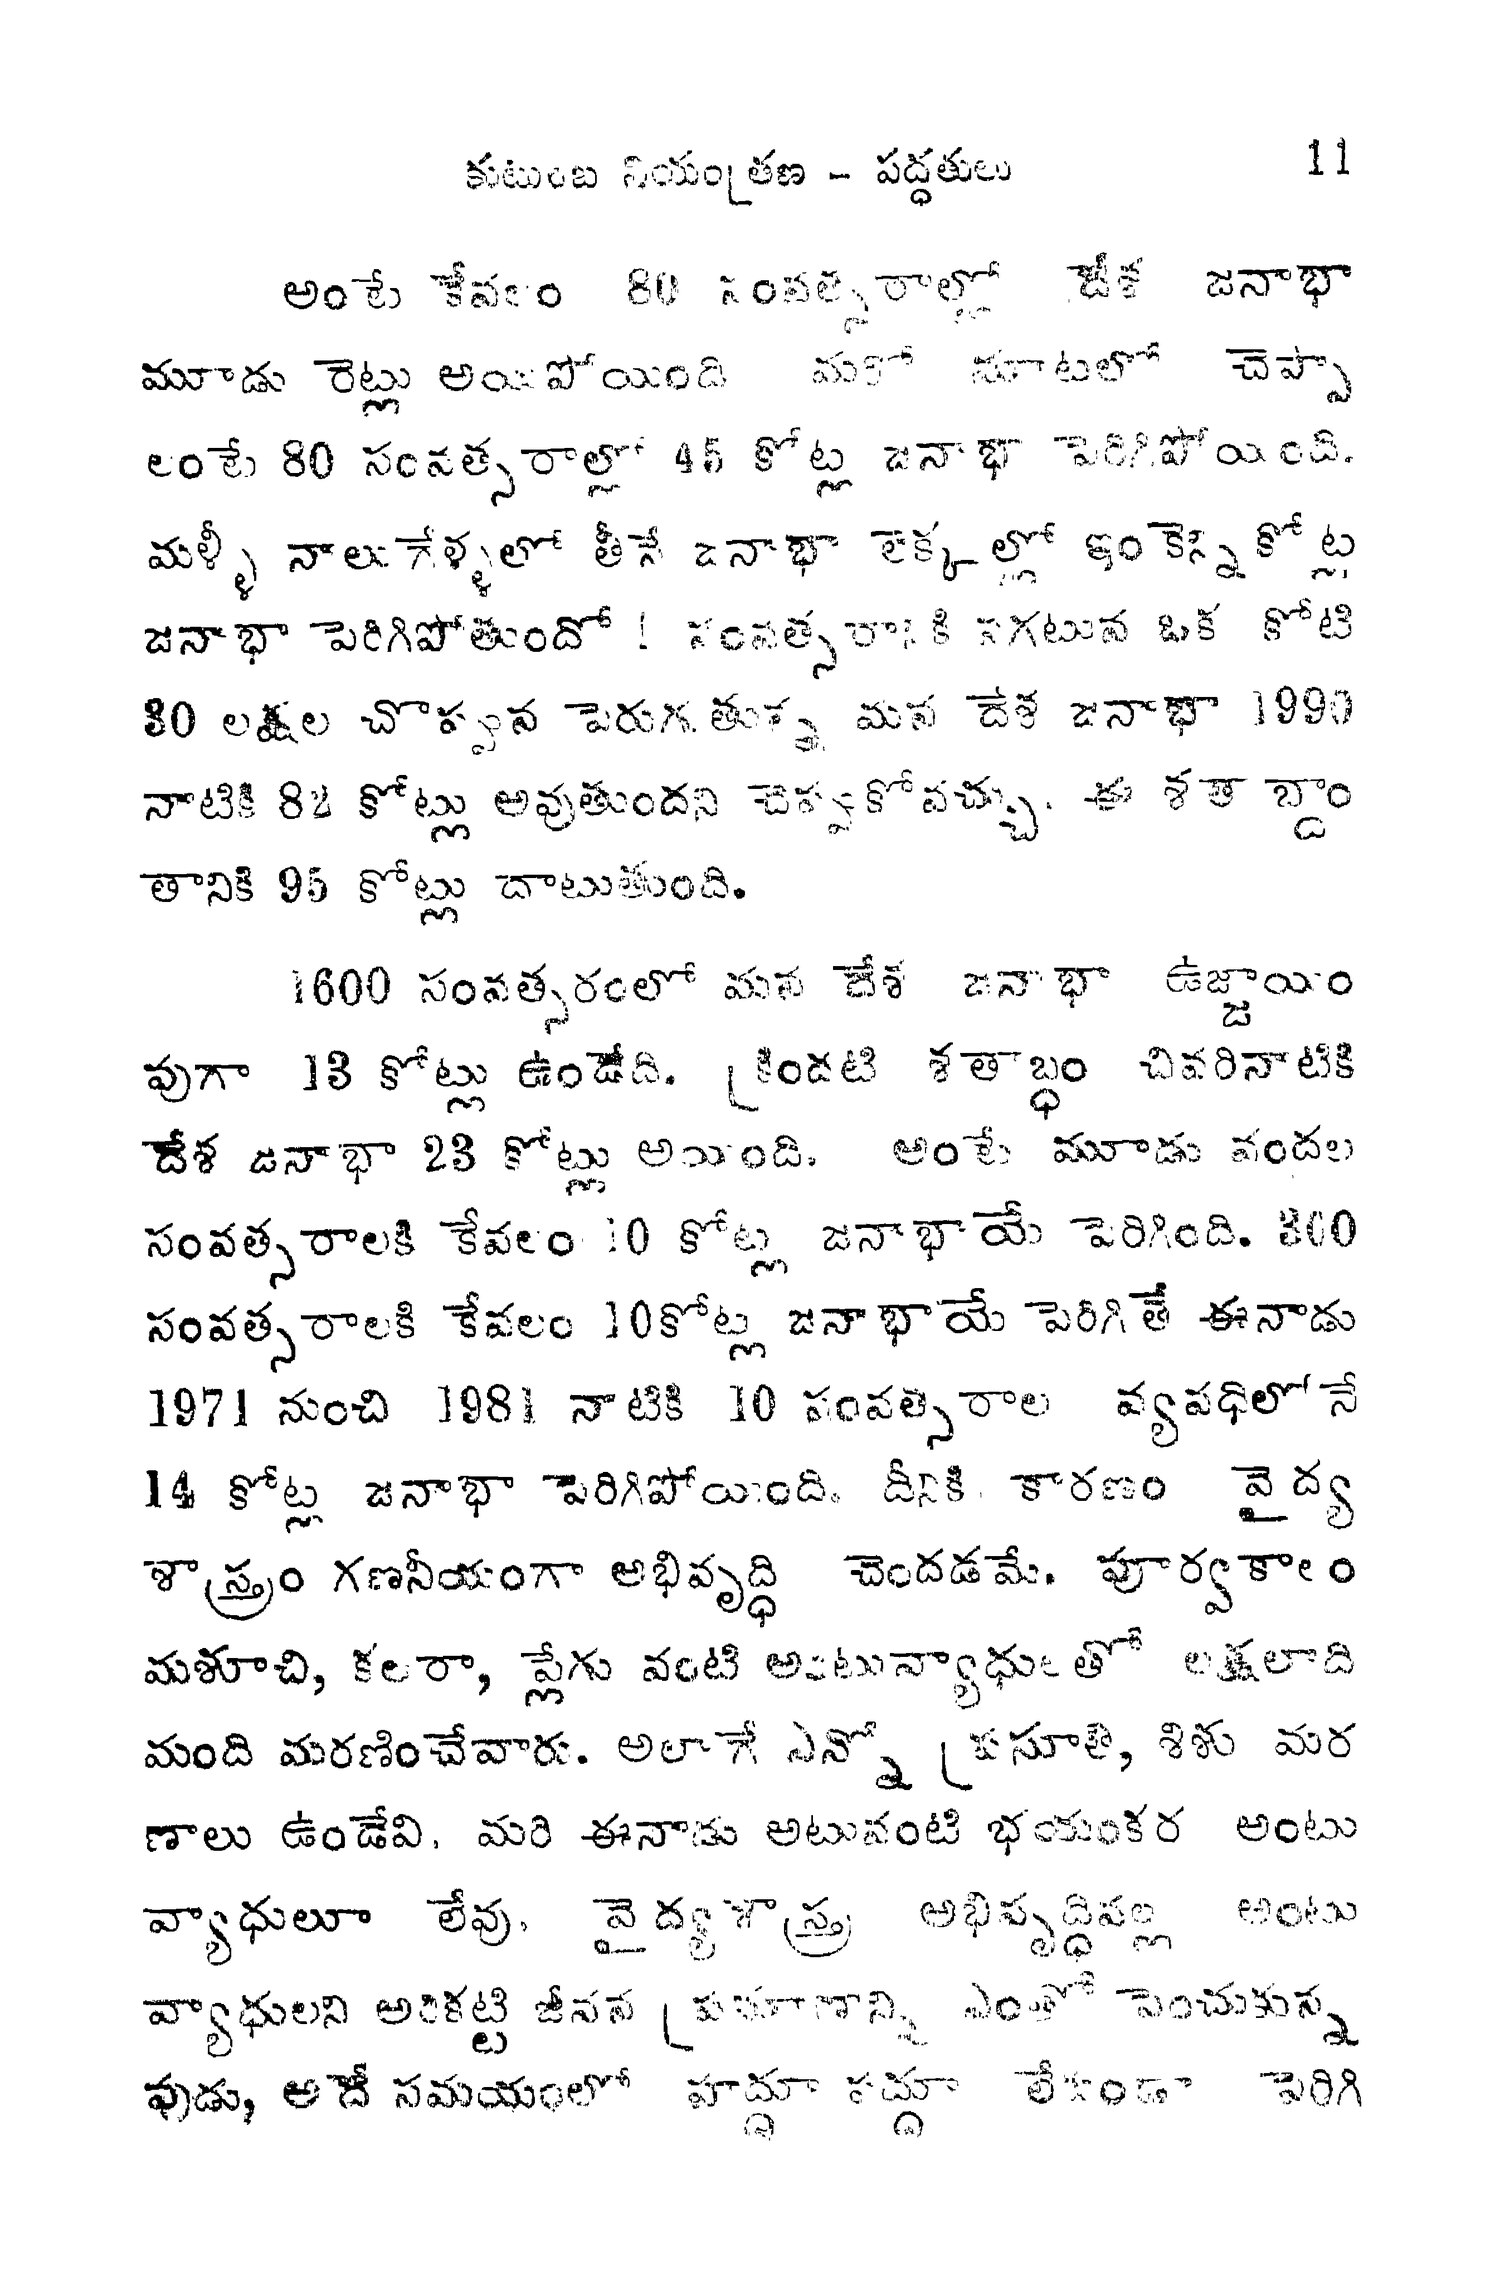అంటే కేవలం 80 సంవత్సరాల్లో దేశ జనాభా మూడు రెట్లు అయిపోయింది. మరో మాటలో చెపాలంటే 80 సంవత్సరాల్లో 45 కోట్ల జనాభా పెరిగిపోయింది. మళ్ళీ నాలుగేళ్ళలో తీసే జనాభా లెక్కల్లో ఇంకెన్ని కోట్ల జనాభా పెరిగిపోతుందో ! సంవత్సరానికి సగటున ఒక కోటి 30 లక్షల చొప్పున పెరుగుతున్న మన దేశ జనాభా 1990 నాటికి 82 కోట్లు అవుతుందని చెప్పుకోవచ్చు. ఈ శతాబ్దాంతానికి 95 కోట్లు దాటుతుంది.

1600 సంవత్సరంలో మన దేశ జనాభా ఉజ్జాయింపుగా 13 కోట్లు ఉండేది. క్రిందటి శతాబ్ధం చివరినాటికి దేశ జనాభా 23 కోట్లు అయింది. అంటే మూడు వందల సంవత్సరాలకి కేవలం 10 కోట్ల జనాభాయే పెరిగింది. 300 సంవత్సరాలకి కేవలం 10 కోట్ల జనాభాయే పెరిగితే ఈనాడు 1971 నుంచి 1981 నాటికి 10 సంవత్సరాల వ్యవధిలోనే 14 కోట్లు జనాభా పెరిగిపోయింది. దీనికి కారణం వైద్యశాస్త్రం గణనీయంగా అభివృద్ధి చెందడమే. పూర్వకాలం మశూచి, కలరా, ప్లేగు వంటి అంటువ్యాధులతో లక్షలాది మంది మరణించినారు. అలాగే ఎన్నో ప్రసూతి, శిశు మరణాఅలు ఉండేవి. మరి ఈనాడు అటువంటి భయంకర అంటువ్యాధులూ లేవు. వైద్యశాస్త్ర అభివృద్ధివల అంటువ్యాధులన్ని అరికట్టి జీవన ప్రమాణాన్ని ఎంతో పెంచుకున్నపుడు, అదే సమయంలో హద్దూ పద్దూ లేకుండా పెరిగి